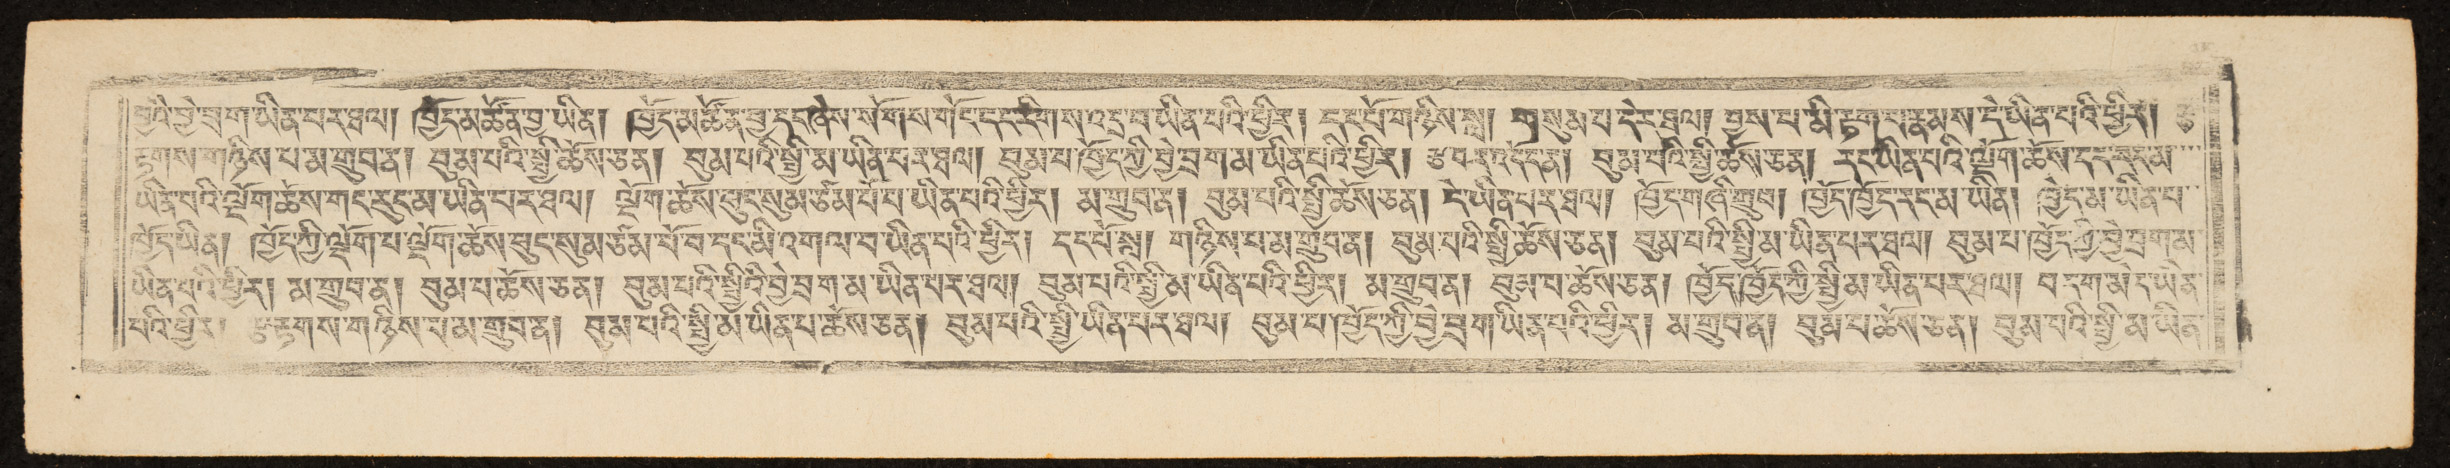བྱའི་བྱེ་བྲག་ཡིན་པར་ཐལ། ཁྱོད་མཚོན་བྱ་ཡིན། ཁྱོད་མཚོན་བྱ་དང་ཞེས་སོགས་གོང་དང་རིགས་འདྲ་བ་ཡིན་པའི་ཕྱིར། དང་པོ་གཉིས་སླ། གསུམ་པ་དེར་ཐལ། བྱས་པ་མི་རྟག་པ་རྣམས་དེ་ཡིན་པའི་ཕྱིར། རྩ་
རྟགས་གཉིས་པ་མ་གྲུབ་ན། བུམ་པའི་སྤྱི་ཆོས་ཅན། བུམ་པའི་སྤྱི་མ་ཡིན་པར་ཐལ། བུམ་པ་ཁྱོད་ཀྱི་བྱེ་བྲག་མ་ཡིན་པའི་ཕྱིར། རྩ་བར་འདོད་ན། བུམ་པའི་སྤྱི་ཆོས་ཅན། རང་ཡིན་པའི་ལྡོག་ཆོས་དང་རང་མ་
ཡིན་པའི་ལྡོག་ཆོས་གང་རུང་མ་ཡིན་པར་ཐལ། ལྡོག་ཆོས་ཕུང་སུམ་ཙམ་པོ་བ་ཡིན་པའི་ཕྱིར། མ་གྲུབ་ན། བུམ་པའི་སྤྱི་ཆོས་ཅན། དེ་ཡིན་པར་ཐལ། ཁྱོད་གཞི་གྲུབ། ཁྱོད་ཁྱོད་རང་མ་ཡིན། ཁྱོད་མ་ཡིན་པ་
ཁྱོད་ཡིན། ཁྱོད་ཀྱི་ལྡོག་པ་ལྡོག་ཆོས་ཕུང་སུམ་ཙམ་པོ་བ་དང་མི་འགལ་བ་ཡིན་པའི་ཕྱིར། དང་པོ་སླ། གཉིས་པ་མ་གྲུབ་ན། བུམ་པའི་སྤྱི་ཆོས་ཅན། བུམ་པའི་སྤྱི་མ་ཡིན་པར་ཐལ། བུམ་པ་ཁྱོད་ཀྱི་བྱེ་བྲག་མ་
ཡིན་པའི་ཕྱིར། མ་གྲུབ་ན། བུམ་པ་ཆོས་ཅན། བུམ་པའི་སྤྱི་བྱེ་བྲག་མ་ཡིན་པར་ཐལ། བུམ་པའི་སྤྱི་མ་ཡིན་པའི་ཕྱིར། མ་གྲུབ་ན། བུམ་པ་ཆོས་ཅན། ཁྱོད་ཁྱོད་ཀྱི་སྤྱི་མ་ཡིན་པར་ཐལ། བདག་མེད་ཡིན་
པའི་ཕྱིར། རྩ་རྟགས་གཉིས་པ་མ་གྲུབ་ན། བུམ་པའི་སྤྱི་མ་ཡིན་པ་ཆོས་ཅན། བུམ་པའི་སྤྱི་ཡིན་པར་ཐལ། བུམ་པ་ཁྱོད་ཀྱི་བྱེ་བྲག་ཡིན་པའི་ཕྱིར། མ་གྲུབ་ན། བུམ་པ་ཆོས་ཅན། བུམ་པའི་སྤྱི་མ་ཡིན་